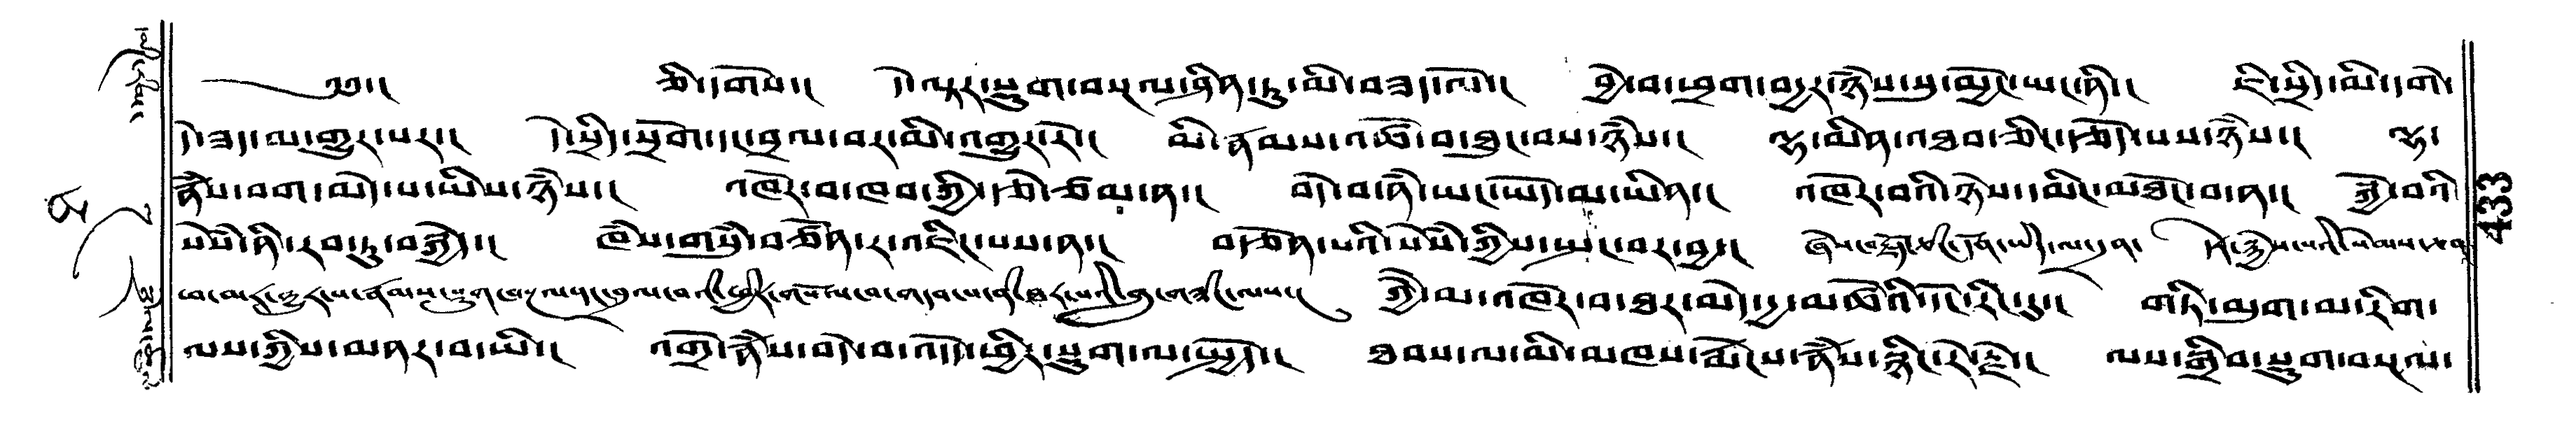ཅི་དགོས། །དེ་ལྟར་སྡུག་བསྔལ་ཤིན་ཏུ་མི་བཟད་ལ། །བྱེ་བ་ཕྲག་བརྒྱར་ཉམས་སུ་མྱོང་ཡང་ནི། །ཇི་སྲིད་མི་དགེ་
དེ་ཟད་མ་གྱུར་པར། །དེ་སྲིད་སྲོག་དང་བྲལ་བར་མི་འགྱུར་རོ། །མི་རྣམས་འཚོ་བ་ཐུང་བས་ཉམས། །ལྷ་མིན་འཐབ་ཅིང་རྩོད་པས་ཉམས། །ལྷ་
རྣམས་བག་མེད་པ་ཡིས་ཉམས། །འཁོར་བར་ཁབ་ཀྱི་རྩེ་ཙམ་གྱི། །བདེ་བ་ནམ་ཡང་ཡོད་མ་ཡིན། །འཁོར་བའི་ཉེས་དམིགས་མཐོང་བ་ན། །སྐྱོ་བའི་
སེམས་ནི་རབ་ཏུ་བསྐྱེད།ཁམས་གསུམ་བཙོན་ར་འཇིགས་པས་ན། །བརྩོན་པའི་སེམས་ཀྱིས་སྤང་བར་བྱ། ཞེས་བརྗོད་ཅིང་དོན་ཡིད་ལ་དྲན། དེར་སྐྱེས་པའི་སེམས་ཅན་
ཕ་མར་གྱུར་པ་རྣམས་སྡུག་བསྔལ་དང་བྲལ་བའི་ཕྱིར་གསོལ་བ་གདབ་པ་ནི་ཐར་པའི་གྲུ་གཟིངས་ལས། ཀྱཻ་མ། འཁོར་བ་ཐར་མེད་རྒྱ་མཚོའི་དོང་རིང་དུ། །གཏི་མུག་མ་རིག་
ལས་ཀྱིས་མནར་བ་ཡི། །འགྲོ་རྣམས་བདེ་བ་འདོད་ཕྱིར་སྡུག་ལ་སྤྱོད། །ཐབས་ལ་མི་མཁས་རྨོངས་རྣམས་སྙིང་རེ་རྗེ། །ལས་སྒྲིབ་སྡུག་བསྔལ་